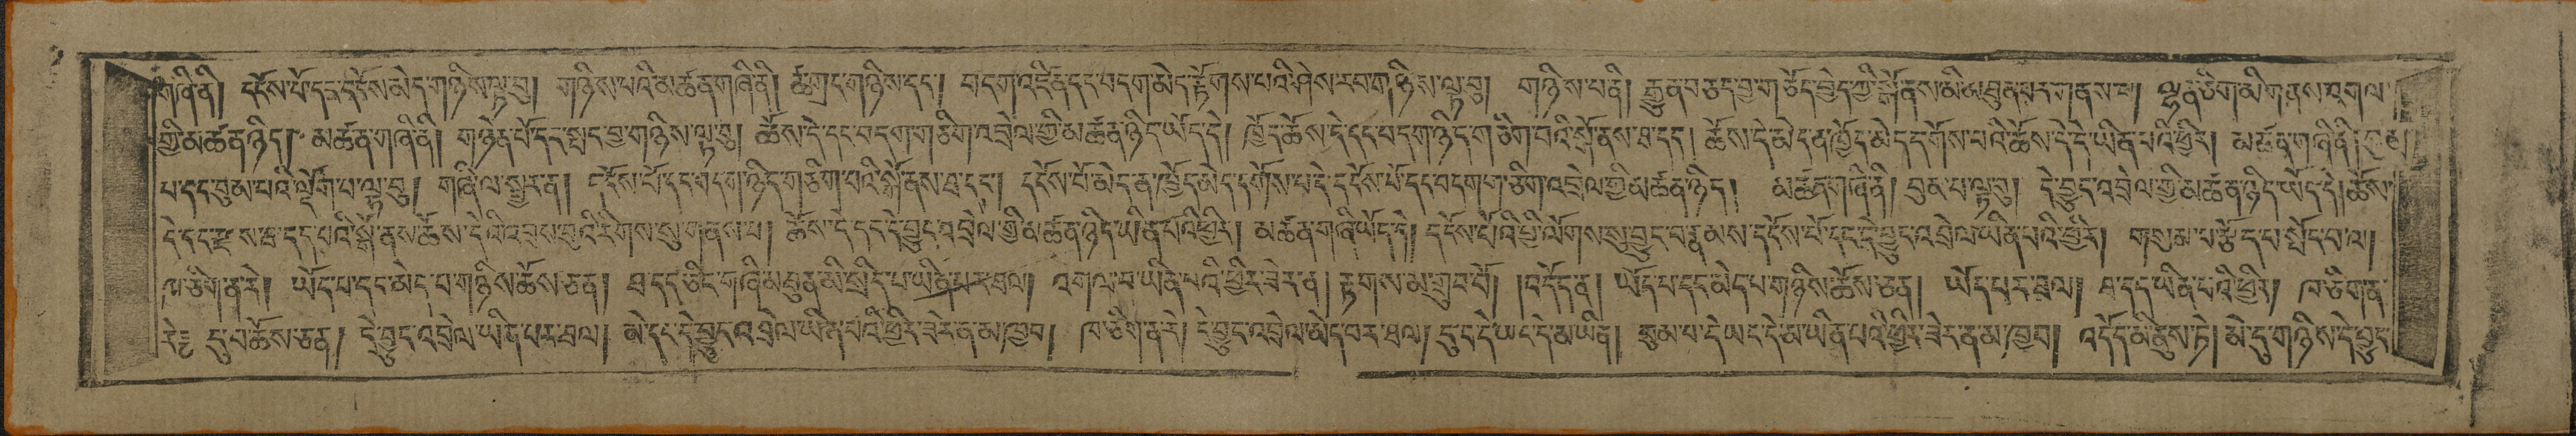གཞི་ནི། དངོས་པོ་དང་དངོས་མེད་གཉིས་ལྟ་བུ། གཉིས་པའི་མཚན་གཞི་ནི། ཚ་གྲང་གཉིས་དང་། བདག་འཛིན་དང་བདག་མེད་རྟོགས་པའི་ཤེས་རབ་གཉིས་ལྟ་བུ། གཉིས་པ་ནི། རྒྱུན་བཅད་བྱ་གཅོད་བྱེད་ཀྱི་སྒོ་ནས་མི་མཐུན་པར་གནས་པ། ལྷན་ཅིག་མི་གནས་འགལ་
གྱི་མཚན་ཉིད། མཚན་གཞི་ནི། གཉེན་པོ་དང་སྤང་བྱ་གཉིས་ལྟ་བུ། ཆོས་དེ་དང་བདག་གཅིག་འབྲེལ་གྱི་མཚན་ཉིད་ཡོད་དེ། ཁྱོད་ཆོས་དེ་དང་བདག་ཉིད་གཅིག་པའི་སྒོ་ནས་ཐ་དད། ཆོས་དེ་མེད་ན་ཁྱོད་མེད་དགོས་པའི་ཆོས་དེ་དེ་ཡིན་པའི་ཕྱིར། མཚན་གཞི་ནི། བུམ་
པ་དང་བུམ་པའི་ལྡོག་པ་ལྟ་བུ། གཞི་ལ་སྦྱར་ན། དངོས་པོ་དང་བདག་ཉིད་གཅིག་པའི་སྒོ་ནས་ཐ་དད། དངོས་པོ་མེད་ན་ཁྱོད་མེད་དགོས་པ་དེ་དངོས་པོ་དང་བདག་གཅིག་འབྲེལ་གྱི་མཚན་ཉིད། མཚན་གཞི་ནི། བུམ་པ་ལྟ་བུ། དེ་བྱུང་འབྲེལ་གྱི་མཚན་ཉིད་ཡོད་དེ། ཆོས་
དེ་དང་རྫས་ཐ་དད་པའི་སྒོ་ནས་ཆོས་དེའི་འབྲས་བུའི་རིགས་སུ་གནས་པ། ཆོས་དེ་དང་དེ་བྱུང་འབྲེལ་གྱི་མཚན་ཉིད་ཡིན་པའི་ཕྱིར། མཚན་གཞི་ཡོད་དེ། དངོས་པོའི་ཕྱི་ལོགས་སུ་བྱུང་བ་རྣམས་དངོས་པོ་དང་དེ་བྱུང་འབྲེལ་ཡིན་པའི་ཕྱིར། གསུམ་པ་རྩོད་པ་སྤོང་བ་ལ།
ཁ་ཅིག་ན་རེ། ཡོད་པ་དང་མེད་པ་གཉིས་ཆོས་ཅན། ཐ་དད་ཅིང་གཞི་མཐུན་མི་སྲིད་པ་ཡིན་པར་ཐལ། འགལ་བ་ཡིན་པའི་ཕྱིར་ཟེར་ན། རྟགས་མ་གྲུབ་བོ། །འདོད་ན། ཡོད་པ་དང་མེད་པ་གཉིས་ཆོས་ཅན། ཡོད་པར་ཐལ། ཐ་དད་ཡིན་པའི་ཕྱིར། ཁ་ཅིག་ན་
རེ༑ དུ་བ་ཆོས་ཅན། དེ་བྱུང་འབྲེལ་ཡིན་པར་ཐལ། མེ་དང་དེ་བྱུང་འབྲེལ་ཡིན་པའི་ཕྱིར་ཟེར་ན་མ་ཁྱབ། ཁ་ཅིག་ན་རེ། དེ་བྱུང་འབྲེལ་མེད་པར་ཐལ། དུ་བ་དེ་ཡང་དེ་མ་ཡིན། བུམ་པ་དེ་ཡང་དེ་མ་ཡིན་པའི་ཕྱིར་ཟེར་ན་མ་ཁྱབ། འདོད་མི་ནུས་ཏེ། མེ་དུ་གཉིས་དེ་བྱུང་